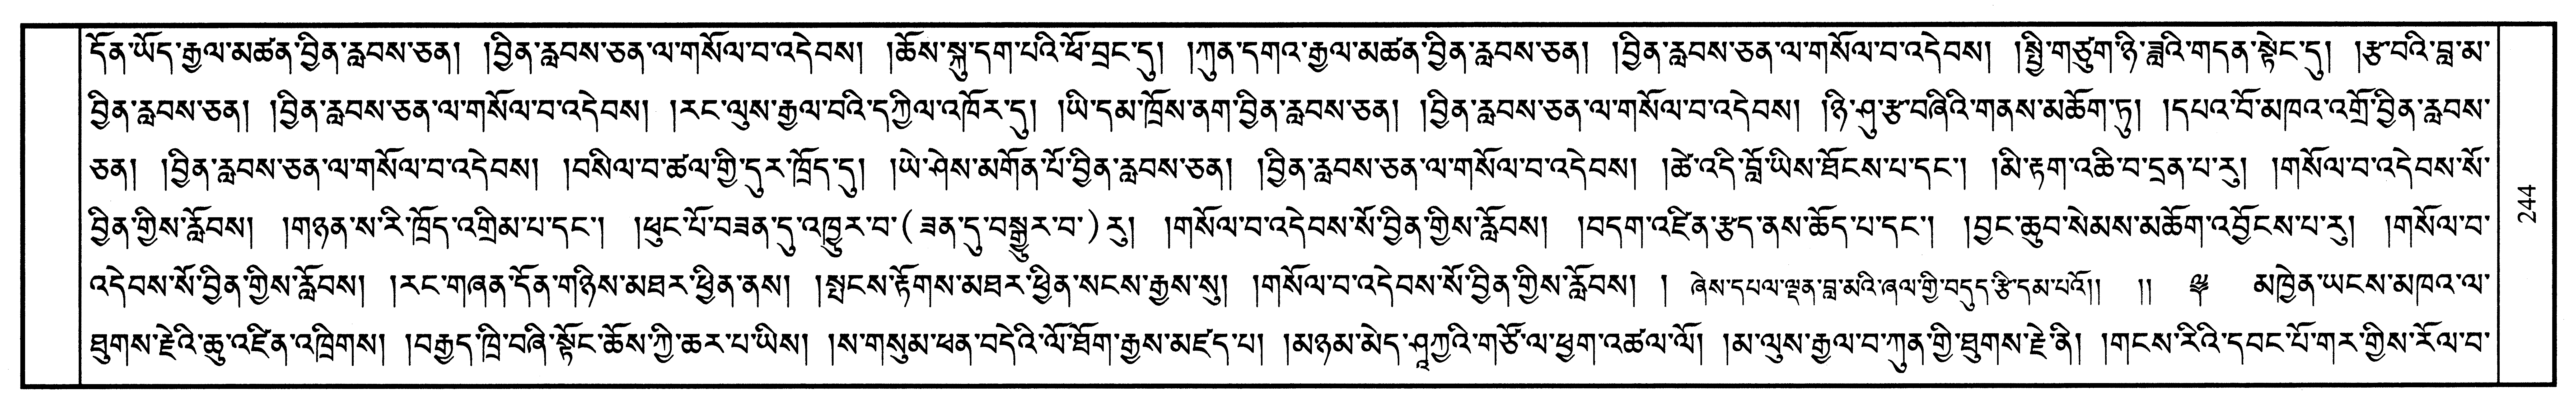དོན་ཡོད་རྒྱལ་མཚན་བྱིན་རླབས་ཅན། །བྱིན་རླབས་ཅན་ལ་གསོལ་བ་འདེབས། །ཆོས་སྐུ་དག་པའི་ཕོ་བྲང་དུ། །ཀུན་དགའ་རྒྱལ་མཚན་བྱིན་རླབས་ཅན། །བྱིན་རླབས་ཅན་ལ་གསོལ་བ་འདེབས། །སྤྱི་གཙུག་ཉི་ཟླའི་གདན་སྟེང་དུ། །རྩ་བའི་བླ་མ་
བྱིན་རླབས་ཅན། །བྱིན་རླབས་ཅན་ལ་གསོལ་བ་འདེབས། །རང་ལུས་རྒྱལ་བའི་དཀྱིལ་འཁོར་དུ། །ཡི་དམ་ཁྲོས་ནག་བྱིན་རླབས་ཅན། །བྱིན་རླབས་ཅན་ལ་གསོལ་བ་འདེབས། །ཉི་ཤུ་རྩ་བཞིའི་གནས་མཆོག་ཏུ། །དཔའ་བོ་མཁའ་འགྲོ་བྱིན་རླབས་
ཅན། །བྱིན་རླབས་ཅན་ལ་གསོལ་བ་འདེབས། །བསིལ་བ་ཚལ་གྱི་དུར་ཁྲོད་དུ། །ཡེ་ཤེས་མགོན་པོ་བྱིན་རླབས་ཅན། །བྱིན་རླབས་ཅན་ལ་གསོལ་བ་འདེབས། །ཚེ་འདི་བློ་ཡིས་ཐོངས་པ་དང་། །མི་རྟག་འཆི་བ་དྲན་པ་རུ། །གསོལ་བ་འདེབས་སོ་
བྱིན་གྱིས་རློབས། །གཉན་ས་རི་ཁྲོད་འགྲིམ་པ་དང་། །ཕུང་པོ་བཟན་དུ་འཁྱུར་བ་ཟན་དུ་བསྒྱུར་བ་རུ། །གསོལ་བ་འདེབས་སོ་བྱིན་གྱིས་རློབས། །བདག་འཛིན་རྩད་ནས་ཆོད་པ་དང་། །བྱང་ཆུབ་སེམས་མཆོག་འབྱོངས་པ་རུ། །གསོལ་བ་
འདེབས་སོ་བྱིན་གྱིས་རློབས། །རང་གཞན་དོན་གཉིས་མཐར་ཕྱིན་ནས། །སྤངས་རྟོགས་མཐར་ཕྱིན་སངས་རྒྱས་སུ། །གསོལ་བ་འདེབས་སོ་བྱིན་གྱིས་རློབས། །ཞེས་དཔལ་ལྡན་བླ་མའི་ཞལ་གྱི་བདུད་རྩི་དམ་པའོ།། །། ༈ མཁྱེན་ཡངས་མཁའ་ལ་
ཐུགས་རྗེའི་ཆུ་འཛིན་འཁྲིགས། །བརྒྱད་ཁྲི་བཞི་སྟོང་ཆོས་ཀྱི་ཆར་པ་ཡིས། །ས་གསུམ་ཕན་བདེའི་ལོ་ཐོག་རྒྱས་མཛད་པ། །མཉམ་མེད་ཤཱཀྱའི་གཙོ་ལ་ཕྱག་འཚལ་ལོ། །མ་ལུས་རྒྱལ་བ་ཀུན་གྱི་ཐུགས་རྗེ་ནི། །གངས་རིའི་དབང་པོ་གར་གྱིས་རོལ་བ་